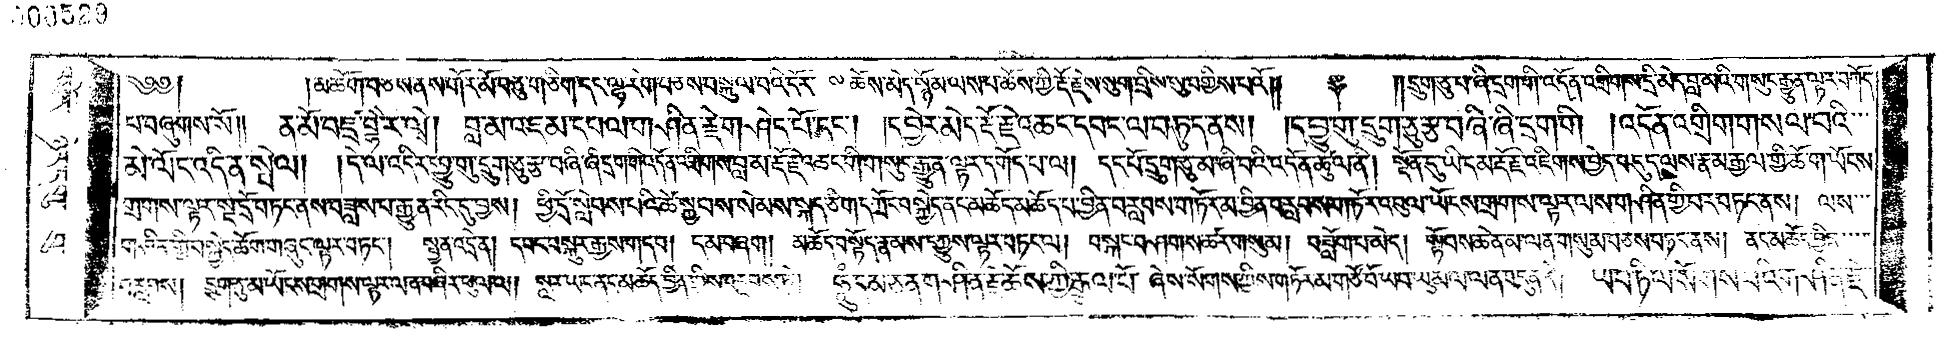༄༅། །མཆོག་བཅས་ནས་གོར་མོ་བཅུ་གཅིག་དང་ལྷ་རེག་བཅས་བསྐུལ་བའི་ངོར་༧་ཆོས་མེད་སྙོམ་ལས་པ་ཆོས་ཀྱི་རྡོ་རྗེས་སུག་བྲིས་སུ་བགྱིས་པའོ།། ༈ །།དྲུག་ཅུ་པ་ཞི་དྲག་གི་འདོན་འགྲིགས་དྲི་མེད་བླ་མའི་གསུང་རྒྱུན་ལྟར་བཀོད་
པ་བཞུགས་སོ། །ན་མོ་བཛྲ་བྷཻ་ར་ལྭེ། བླ་མ་འཇམ་དཔལ་གཤིན་རྗེ་གཤེད་པོ་དང་། །དབྱེར་མེད་རྡོ་རྗེ་འཆང་དབང་ལ་བཏུད་ནས། །དབྱུ་གུ་དྲུག་ཅུ་རྩ་བཞི་ཞི་དྲག་གི །འདོན་འགྲིག་གསལ་བའི་
མེ་ལོང་འདི་ན་སྤེལ། །དེ་ལ་འདིར་དབྱུ་གུ་དྲུག་ཅུ་རྩ་བཞི་ཞི་དྲག་གི་འདོན་འགྲིགས་བླ་མ་རྡོ་རྗེ་འཆང་གི་གསུང་རྒྱུན་ལྟར་དགོད་པ་ལ། དང་པོ་དྲུག་ཅུ་མ་ཞི་བའི་འདོན་ཚུལ་ནི། སྔོན་དུ་ཡི་དམ་རྡོ་རྗེ་འཇིགས་བྱེད་བདུད་ལས་རྣམ་རྒྱལ་གྱི་ཆོ་ག་ཡོངས་
གྲགས་ལྟར་སྔ་དྲོ་བཏང་ནས་བཟླས་པ་རྒྱུན་རིང་དུ་བྱས། ཕྱི་དྲོ་སླེབས་པའི་ཚེ་སྐྱབས་སེམས་སྐད་ཅིག་དཀྲོང་བསྐྱེད་ནང་མཆོད་མཆོད་པ་བྱིན་བརླབས་གཏོར་མ་བྱིན་བརླབས་གཏོར་འབུལ་ཡོངས་གྲགས་ལྟར་ལས་གཤིན་གྱི་བར་བཏང་ནས། ལས་
གཤིན་གྱི་བསྐྱེད་ཆོག་གཞུང་ལྟར་བཏང་། སྤྱན་འདྲེན། དབང་བསྐུར་རྒྱས་གདབ། དམ་བཞག །མཆོད་བསྟོད་རྣམས་དཀྱུས་ལྟར་བཏང་ལ། བསྐང་བཤགས་ཚར་གསུམ། བཟློག་པ་མེད། སྟོབས་ཆེན་མ་ལན་གསུམ་བཅས་བཏང་ནས། ནང་མཆོད་བྱིན་
བརླབས། དྲུག་ཅུ་མ་ཡོངས་གྲགས་ལྟར་ལན་བཞིར་ཕུལ་ལ། སླར་ཡང་ནང་མཆོད་བྱིན་གྱིས་བརླབས་ཏེ། ཧཱུཾ་དམ་ཅན་གཤིན་རྗེ་ཆོས་ཀྱི་རྒྱལ་པོ་ཞེས་སོགས་ཀྱིས་གཏོར་མ་གཙོ་བོ་ཡབ་ཡུམ་ལ་ལན་བདུན་རེ།  ཡབ་ཏི་ལ་སོགས་པའི་གཤིན་རྗེ་